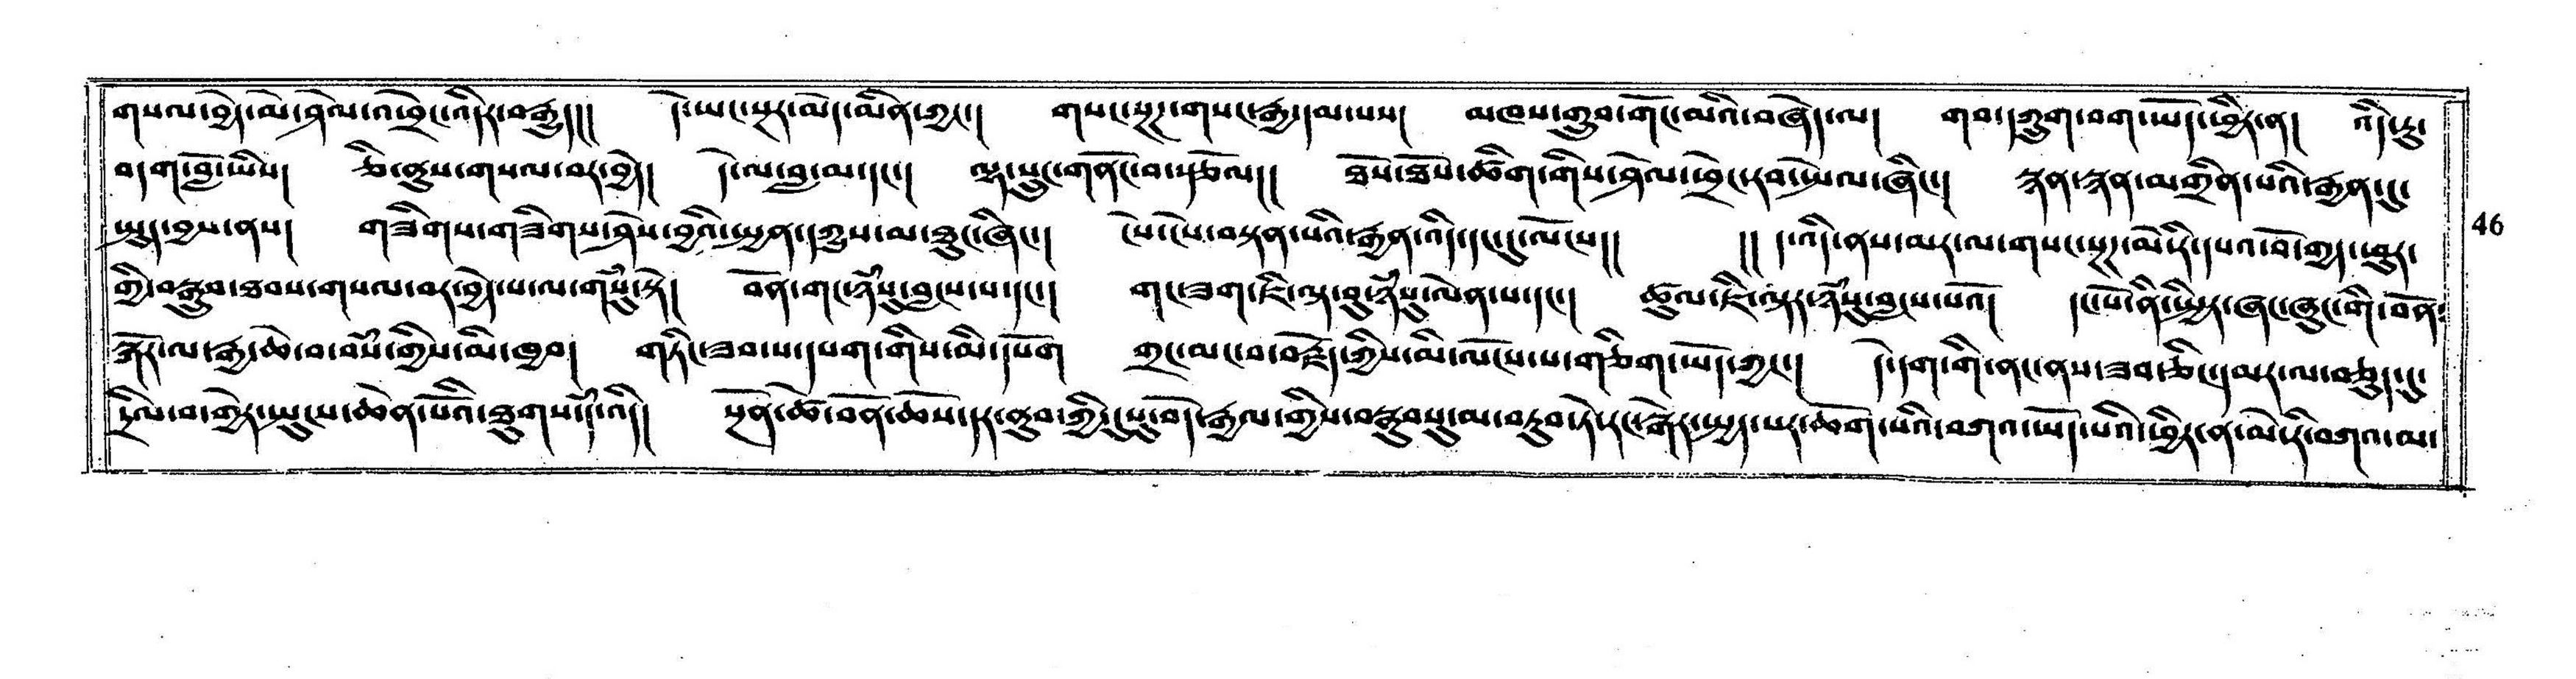གསལ་བྱེད་མེ་ཤེལ་འཕྲེང་འདིར་བརྒྱུད།། དེ་ཡང་སྔར་མེད་མིན་ཀྱང་། གསང་སྔགས་གསང་རྒྱ་དམ་པས། མཁས་གྲུབ་གོང་མའི་བཞེད་ལ། གབ་དཀྲུག་བག་ཡོད་ཕྱིར་ན། འདི་རུ་
བདག་བློ་ཡིས། ཅི་ནུས་གསལ་བར་བྱེད། དེ་ལ་བླ་མ་དང་། ལྷ་སྲུང་གནོང་བ་སྩོལ།། ཐོས་ཐོས་ཚིག་གིས་ཤེལ་ཕྲེང་རབ་སྤེལ་ཞིང་། སྙན་སྙན་མགྲིན་པའི་རྒྱན་དུ་
སྤུད་བྱས་ནས། གཟིགས་གཟིགས་ཤེས་བྱའི་སྤྱན་དཀྱུས་མ་ཐུང་ཞིང་། ངེས་ངེས་བསྟན་པའི་རྒྱན་འདི་དང་དུ་ལོངས།། །།ད་འདི་ནས་མར་ལ་གསང་སྔགས་མེ་རི་དཔའ་བོ་གྱད་ཕུར་
གྱི་བསྒྲུབ་ཐབས་གསལ་བར་བྱེད་པ་ལ་གསུམ་སྟེ། བོན་གང་ཉམས་སུ་བླངས་པ་དང་། གང་ཟག་ཇི་ལྟ་བུས་ཉམས་སུ་ལེན་པ་དང་། ཚུལ་ཇི་ལྟར་ཉམས་སུ་བླངས་པའོ། དང་པོ་ནི་སྤྱིར་ཞང་ཞུང་གི་བོན་
སྐོར་ལ་རྒྱ་ཆེ་བ་བསམ་གྱིས་མི་ཁྱབ། གཏིང་ཟབ་པ་དཔག་གིས་མི་དཔོག གྲང་མང་བ་བརྗོད་ཀྱིས་མི་ལོངས་པ་གཅིག་ཡོད་ཀྱང་། དེ་དག་གི་ནང་ནས་ཟབ་ཅིང་དམར་ལ་བཅུད་དུ་
དྲིལ་བ་གྱེར་སྤུངས་ཆེན་པོའི་ཐུགས་དམ་འདི། སྔོན་ཚེ་བོན་ཆོས་དར་ནུབ་ཀྱི་དུས་སུ་བོད་རྒྱལ་གྱིས་བསྣུབས་སུ་མ་བཏུབ་ཏེ་རང་སྒེར་སྤྱད་པར་ཆོག་པའི་བཀའ་ཡོད་པའི་ཕྱིར་ན་མེ་རི་བཀའ་མ་